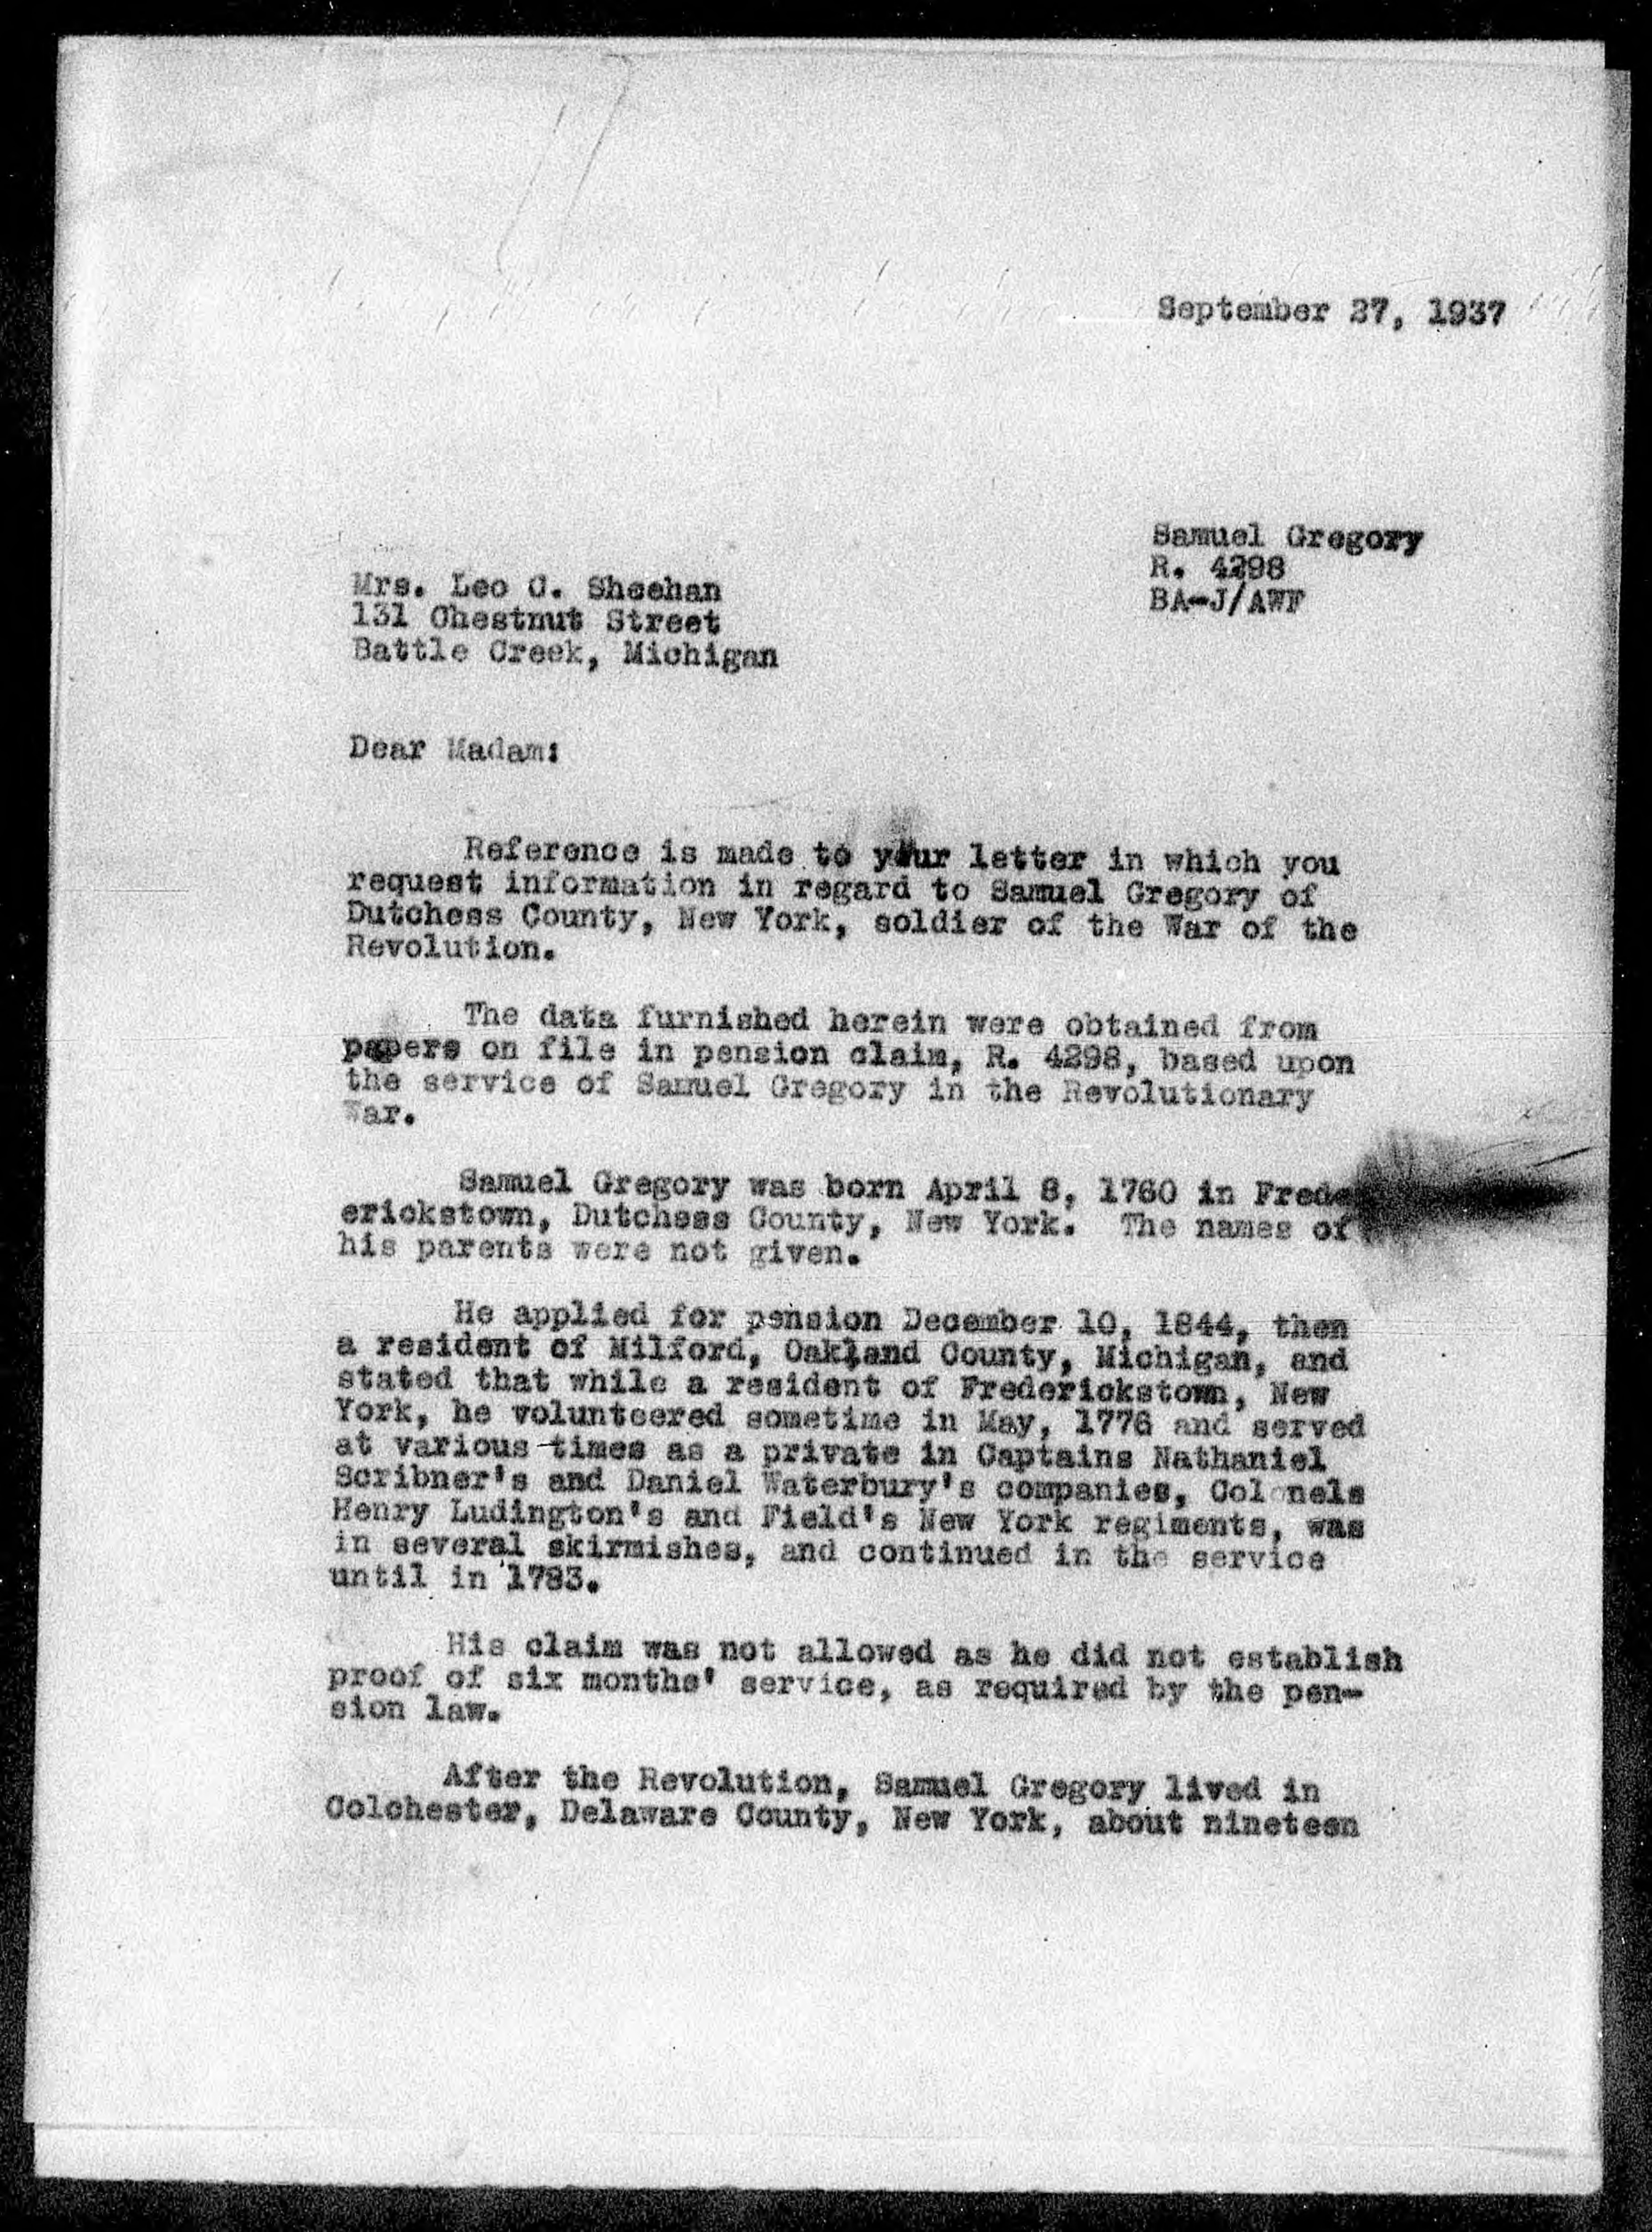September 27, 1937

Samuel Gregory
R. 4298
BA-J/AWF


Mrs. Leo C. Sheehan
131 Chestnut Street
Battle Creek, Michigan

Dear Madam:

Reference is made to your letter in which you request information in regard to Samuel Gregory of Dutchess County, New York, soldier of the War of th Revolution.

The data furnished herein were obtained from papers on file in pension claim, R. 4298 based upon the service of Samuel Gregory in the Revolutionary War.

Samuel Gregory was born April 8, 1760 in Frederickstown, Dutchess County, New York, names of parents not stated.

He applied for pension December 10, 1844, while a resident of Milford, Oakland County, Michigan, and alleged that while a resident of Frederickstown, New York, he volunteered in May, 1776 and served at various times as a private in Captains Nathanial Scribner's and Daniel Waterbury's companies, Colonels Henry Ludington's and Field's New York Regiments, was in several skirmishes and served until 1783.

His claim was not allowed as he did not establish proof of six months service as required by the pension law.

After the Revolution he lived in Colchester, Deaware County, New York about nineteen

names: Samuel Gregory, Leo C Sheehan, Samuel Gregory, Samuel Gregory, Samuel Gregory, Samuel Gregory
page: 11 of 66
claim: rejected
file: R. 4298, Samuel Gregory, New York